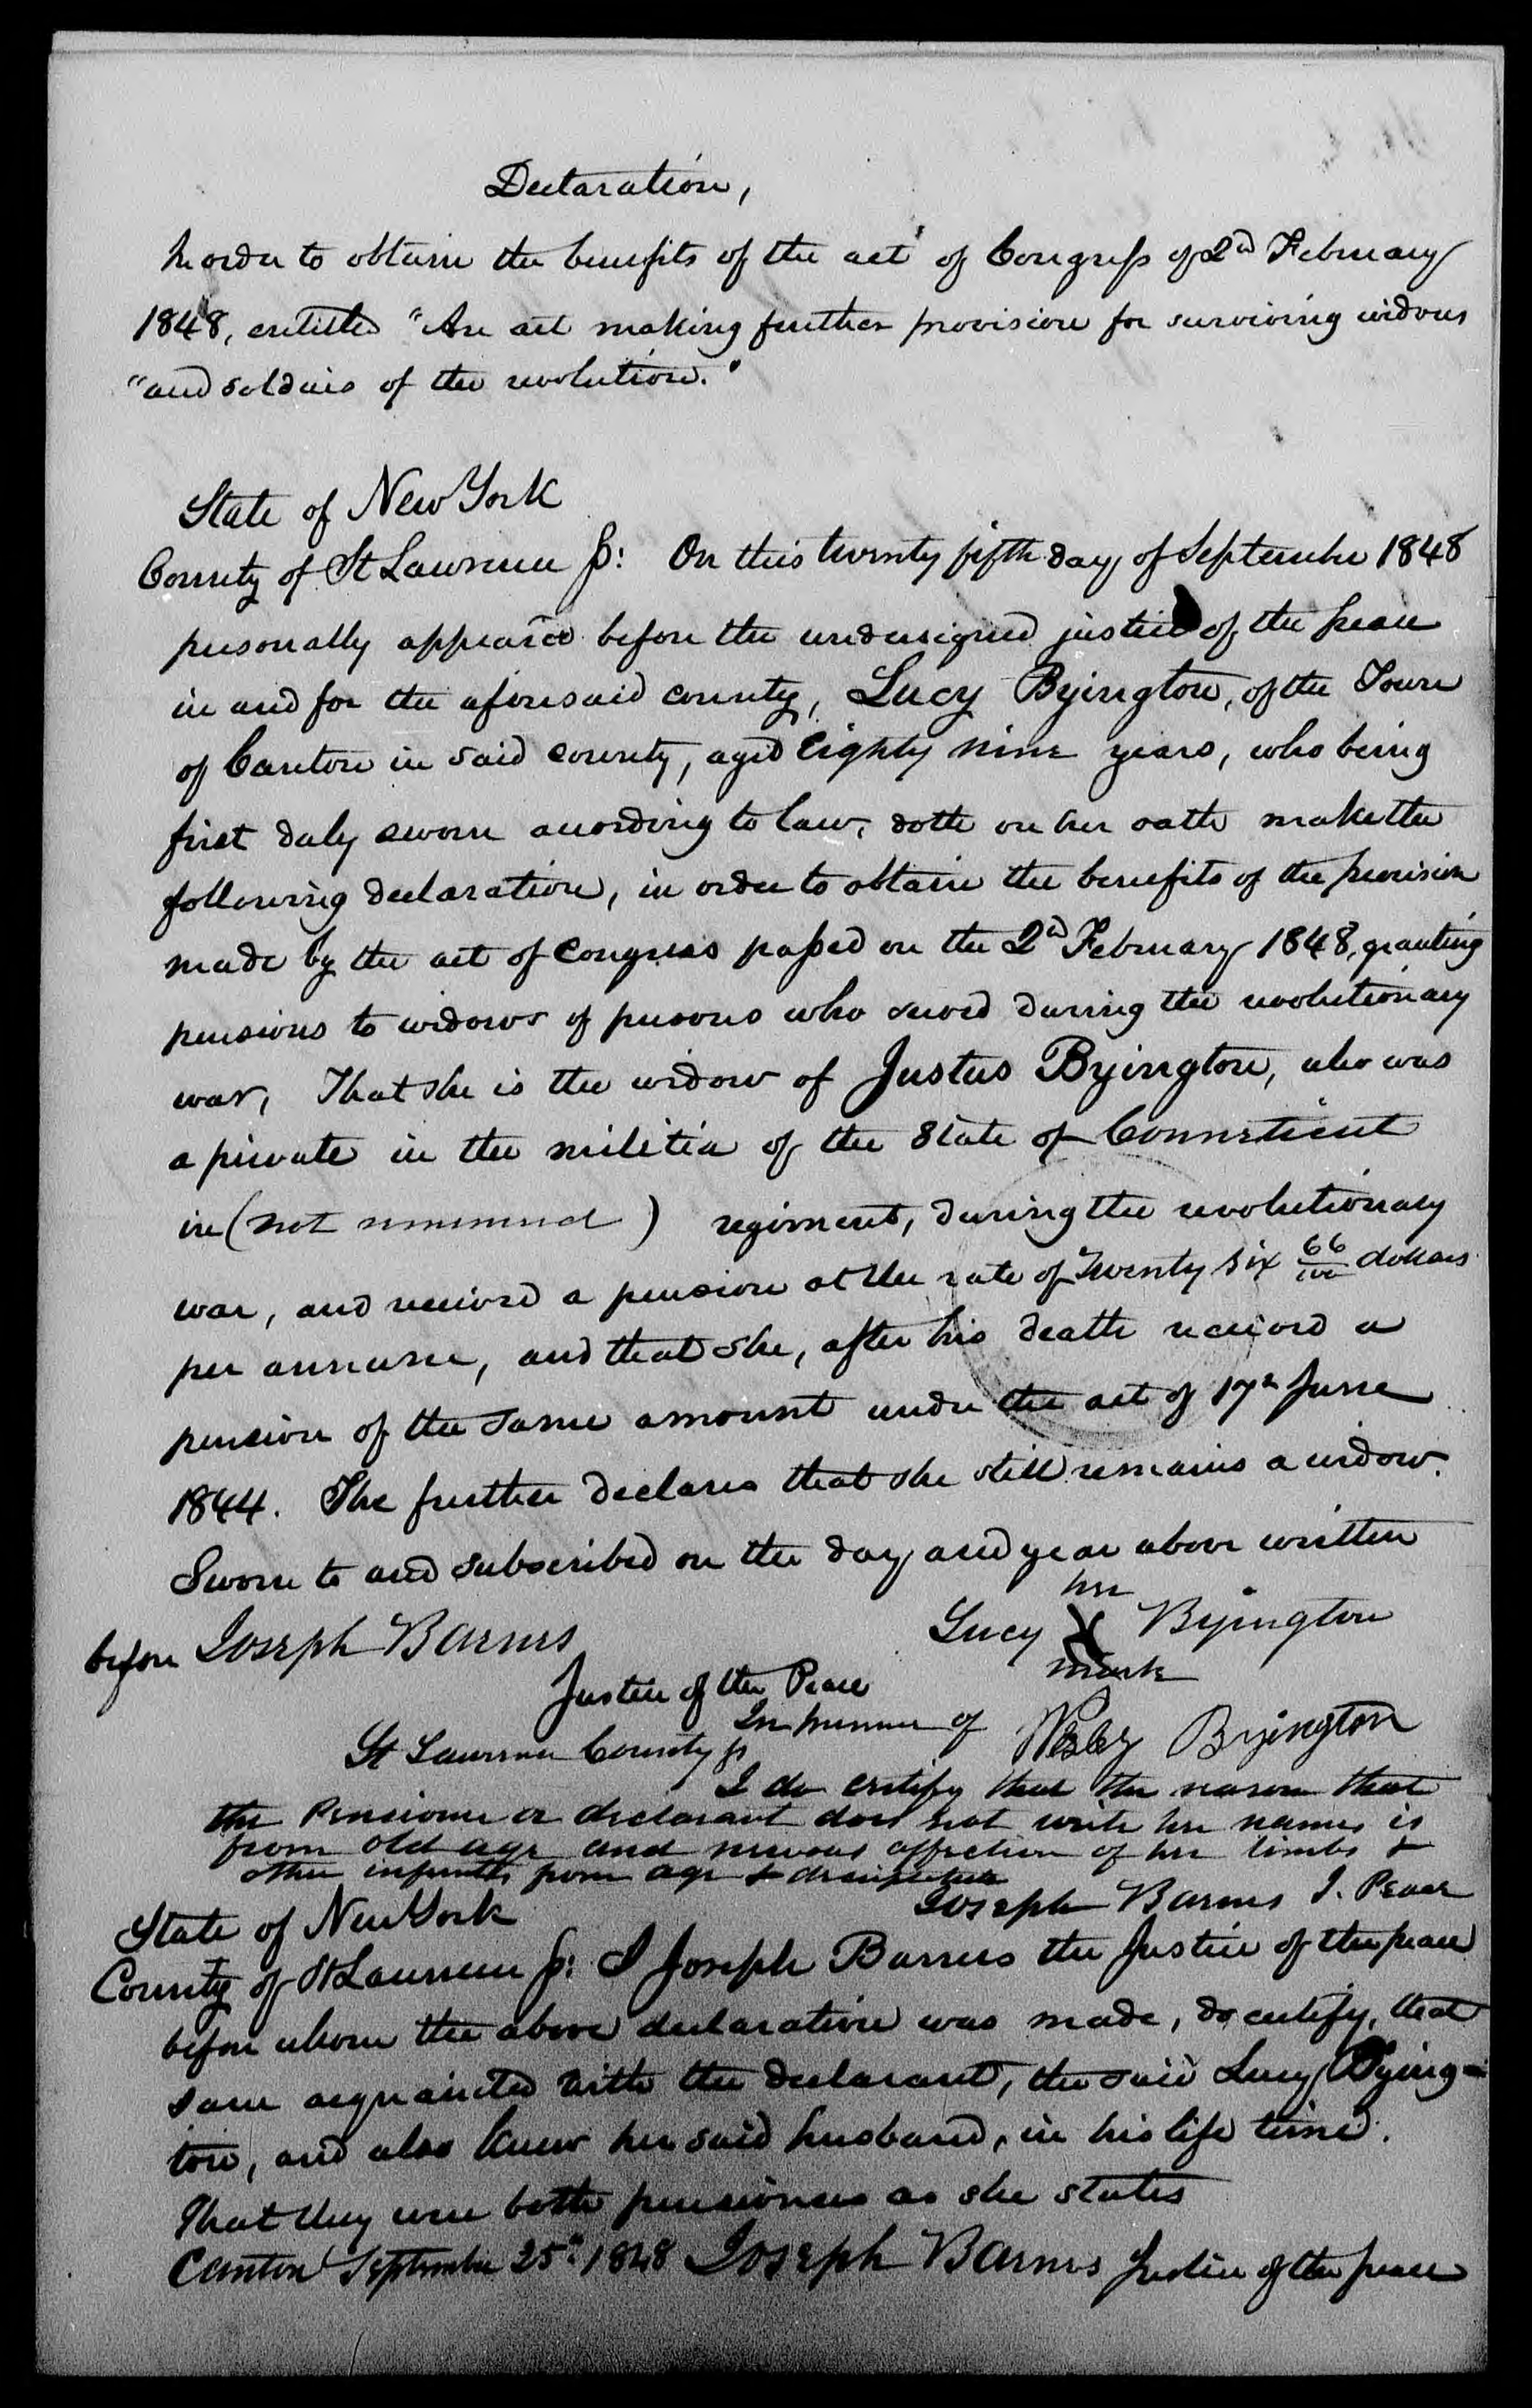Declaration,
In order to obtain the benefits of the act of COngress of 2d February 1848, entitled "An act making further pensions for surviving widows and soldiers of the revolution."

State of New York
County of St. Lawrence ss: On this twenty fifth day of September 1848 personally appeared before the undersigned justice of the peace in and for the aforesaid county, Lucy Byington, of the Town of Canton in said county, aged eighty nine years, who being first duly sworn according to law, doth on her oath make the following declaration, in order to obtain the benefits of the pension made by the act of Congress passed on the 2d February 1848, granting pensions to widows of persons who served during the revolutionary war, That she is the widow of Justus Byington, who was a private in the militia of the State of Connecticut in (not renamed) regiment, during the revolutionary war, and received a pension at the rate of twenty six 66/100 dollars per annum, and that she, after his death received a pension of the same amount under the act of 17th June 1844. The further declares that she still remains a widow sworn to and subscribed on the day and year above written before Joseph Barnes.  Justice of the peace
Lucy Byington [signed X "her mark"]

St. Lawrence County ss:
In honor of Wesley Byington
The Pensioner a declarant does not write his name is from old age and nervous affectation of his limbs & other infan(illegible) from age & (illegible)
Joseph Barnes J. Peace

State of New York
County of St. Lawrence ss: I Joseph Barnes the Justice of the peace before where the above declaration was made, do certify, that I am acquainted with the Declarant, the said Lucy Byington, and also knew her said husband, in his life time. That they were both pensioners as she states.
Canton, September 25th 1848 Joseph Barnes Justice of the Peace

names: Lucy Byington, Joseph Barnes, Joseph Barnes, Joseph Barnes, Lucy Byington, Wesley Byington, Lucy Byington, Joseph Barnes, Justus Byington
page: 53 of 79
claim: widow's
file: W. 23754, Justus Byington, Conn.